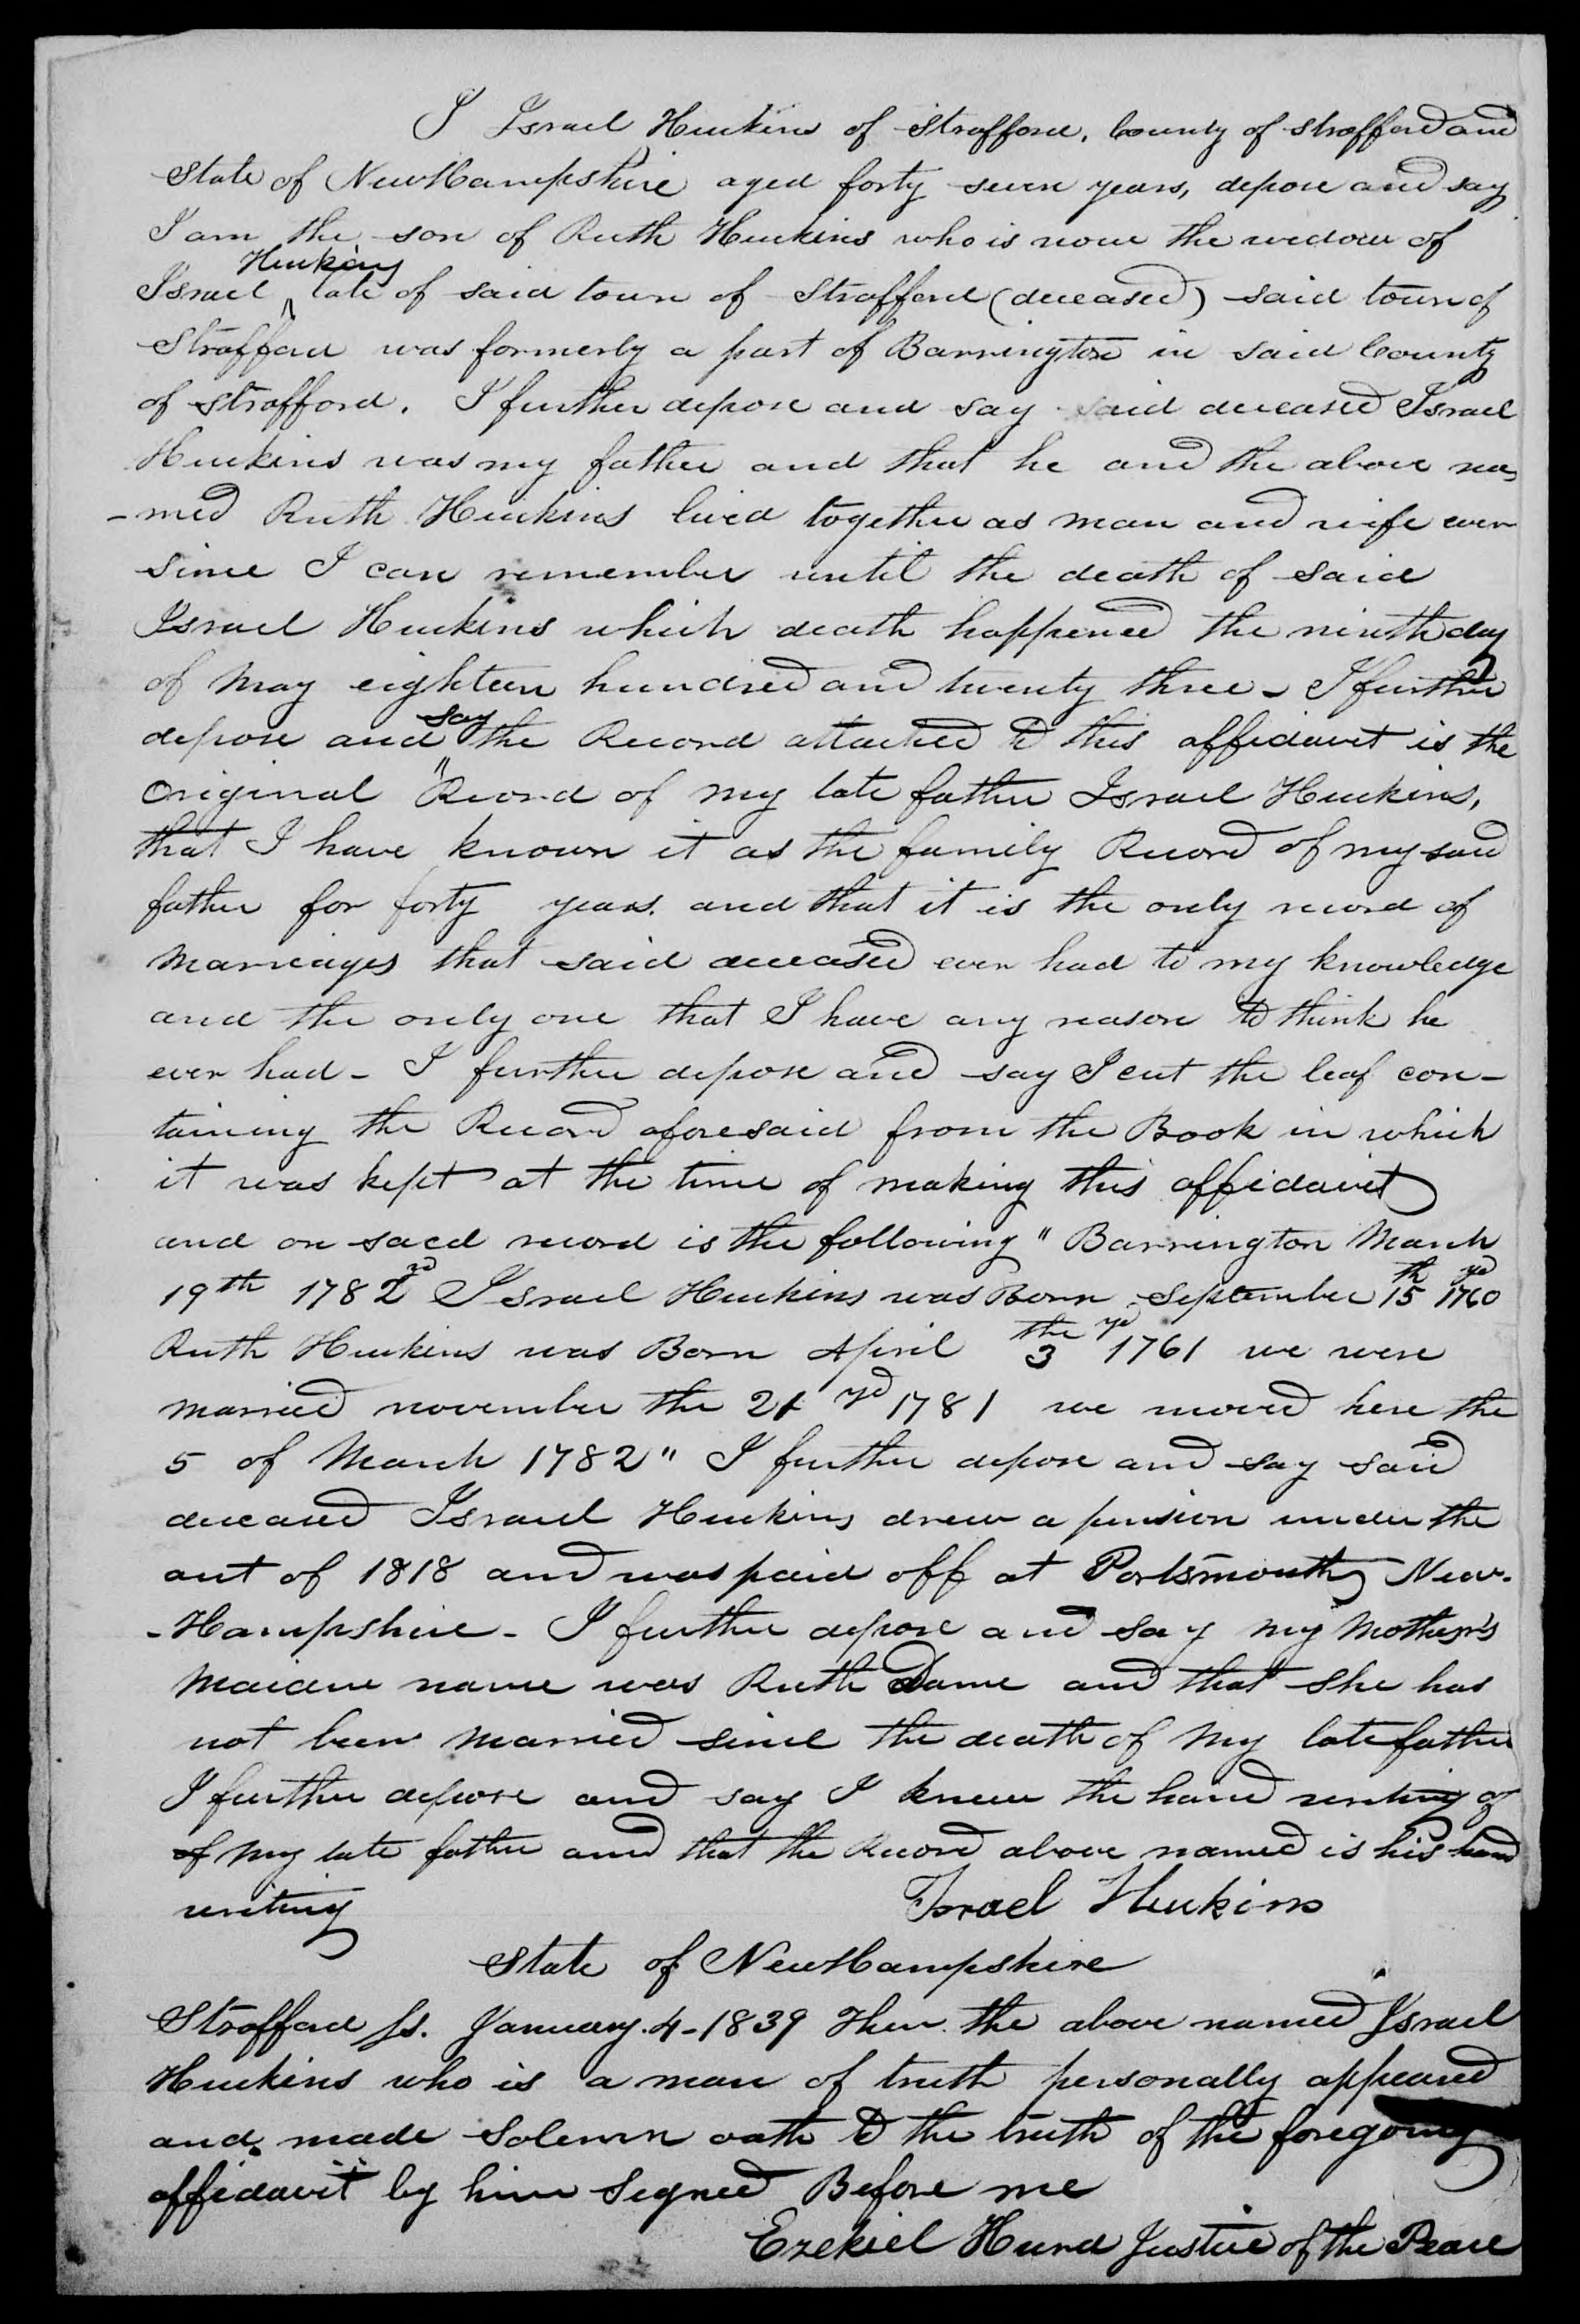I can remember until the decease of said Israel Hawkins which death happened the ninth day of May eighteen hundred and twenty three I further depose and say the record attached to this affidavit is the original record of my late father Israel Hawkins that I have known it as the family Record of my said father for forty years and that it is the only record of marriages that said deceased ever had to my knowledge and the only one that I have any reason to think he ever had. 

I further depose and say I set the leaf containing the Record aforesaid from this Book in which it was kept at the time of making this affidavit and the record in the following "Barrington March 19th 1782 Israel Hawkins and Ruth Hawkins was born September 19th 1760 Ruth Hawkins was born April 5th 1761 we were married November the 24th 1781 we moved here the 5th of March 1782."

 I further depose and say said deceased Israel Hawkins drew a pension under the act of 1818 and was paid off at Portsmouth New Hampshire. I further depose and say my mother's maiden name was Ruth Dame and that she has not been married since the death of my late father. I further depose and say I am the only son of my late father and that the record above is his handwriting.

Israel Hawkins

State of New Hampshire

Stafford SS. January 4, 1838 Then the above named Israel Hawkins who is a man of truth personally appeared and made Solemn oath to the truth of the foregoing affidavit by him signed Before me

Ezekiel Hayes Justice of the Peace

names: Ezekiel Hurd, Ruth Huckins, Israel Huckins, Ruth Dame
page: 10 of 35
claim: widow's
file: W. 16127, Israel Huckins, N.H.